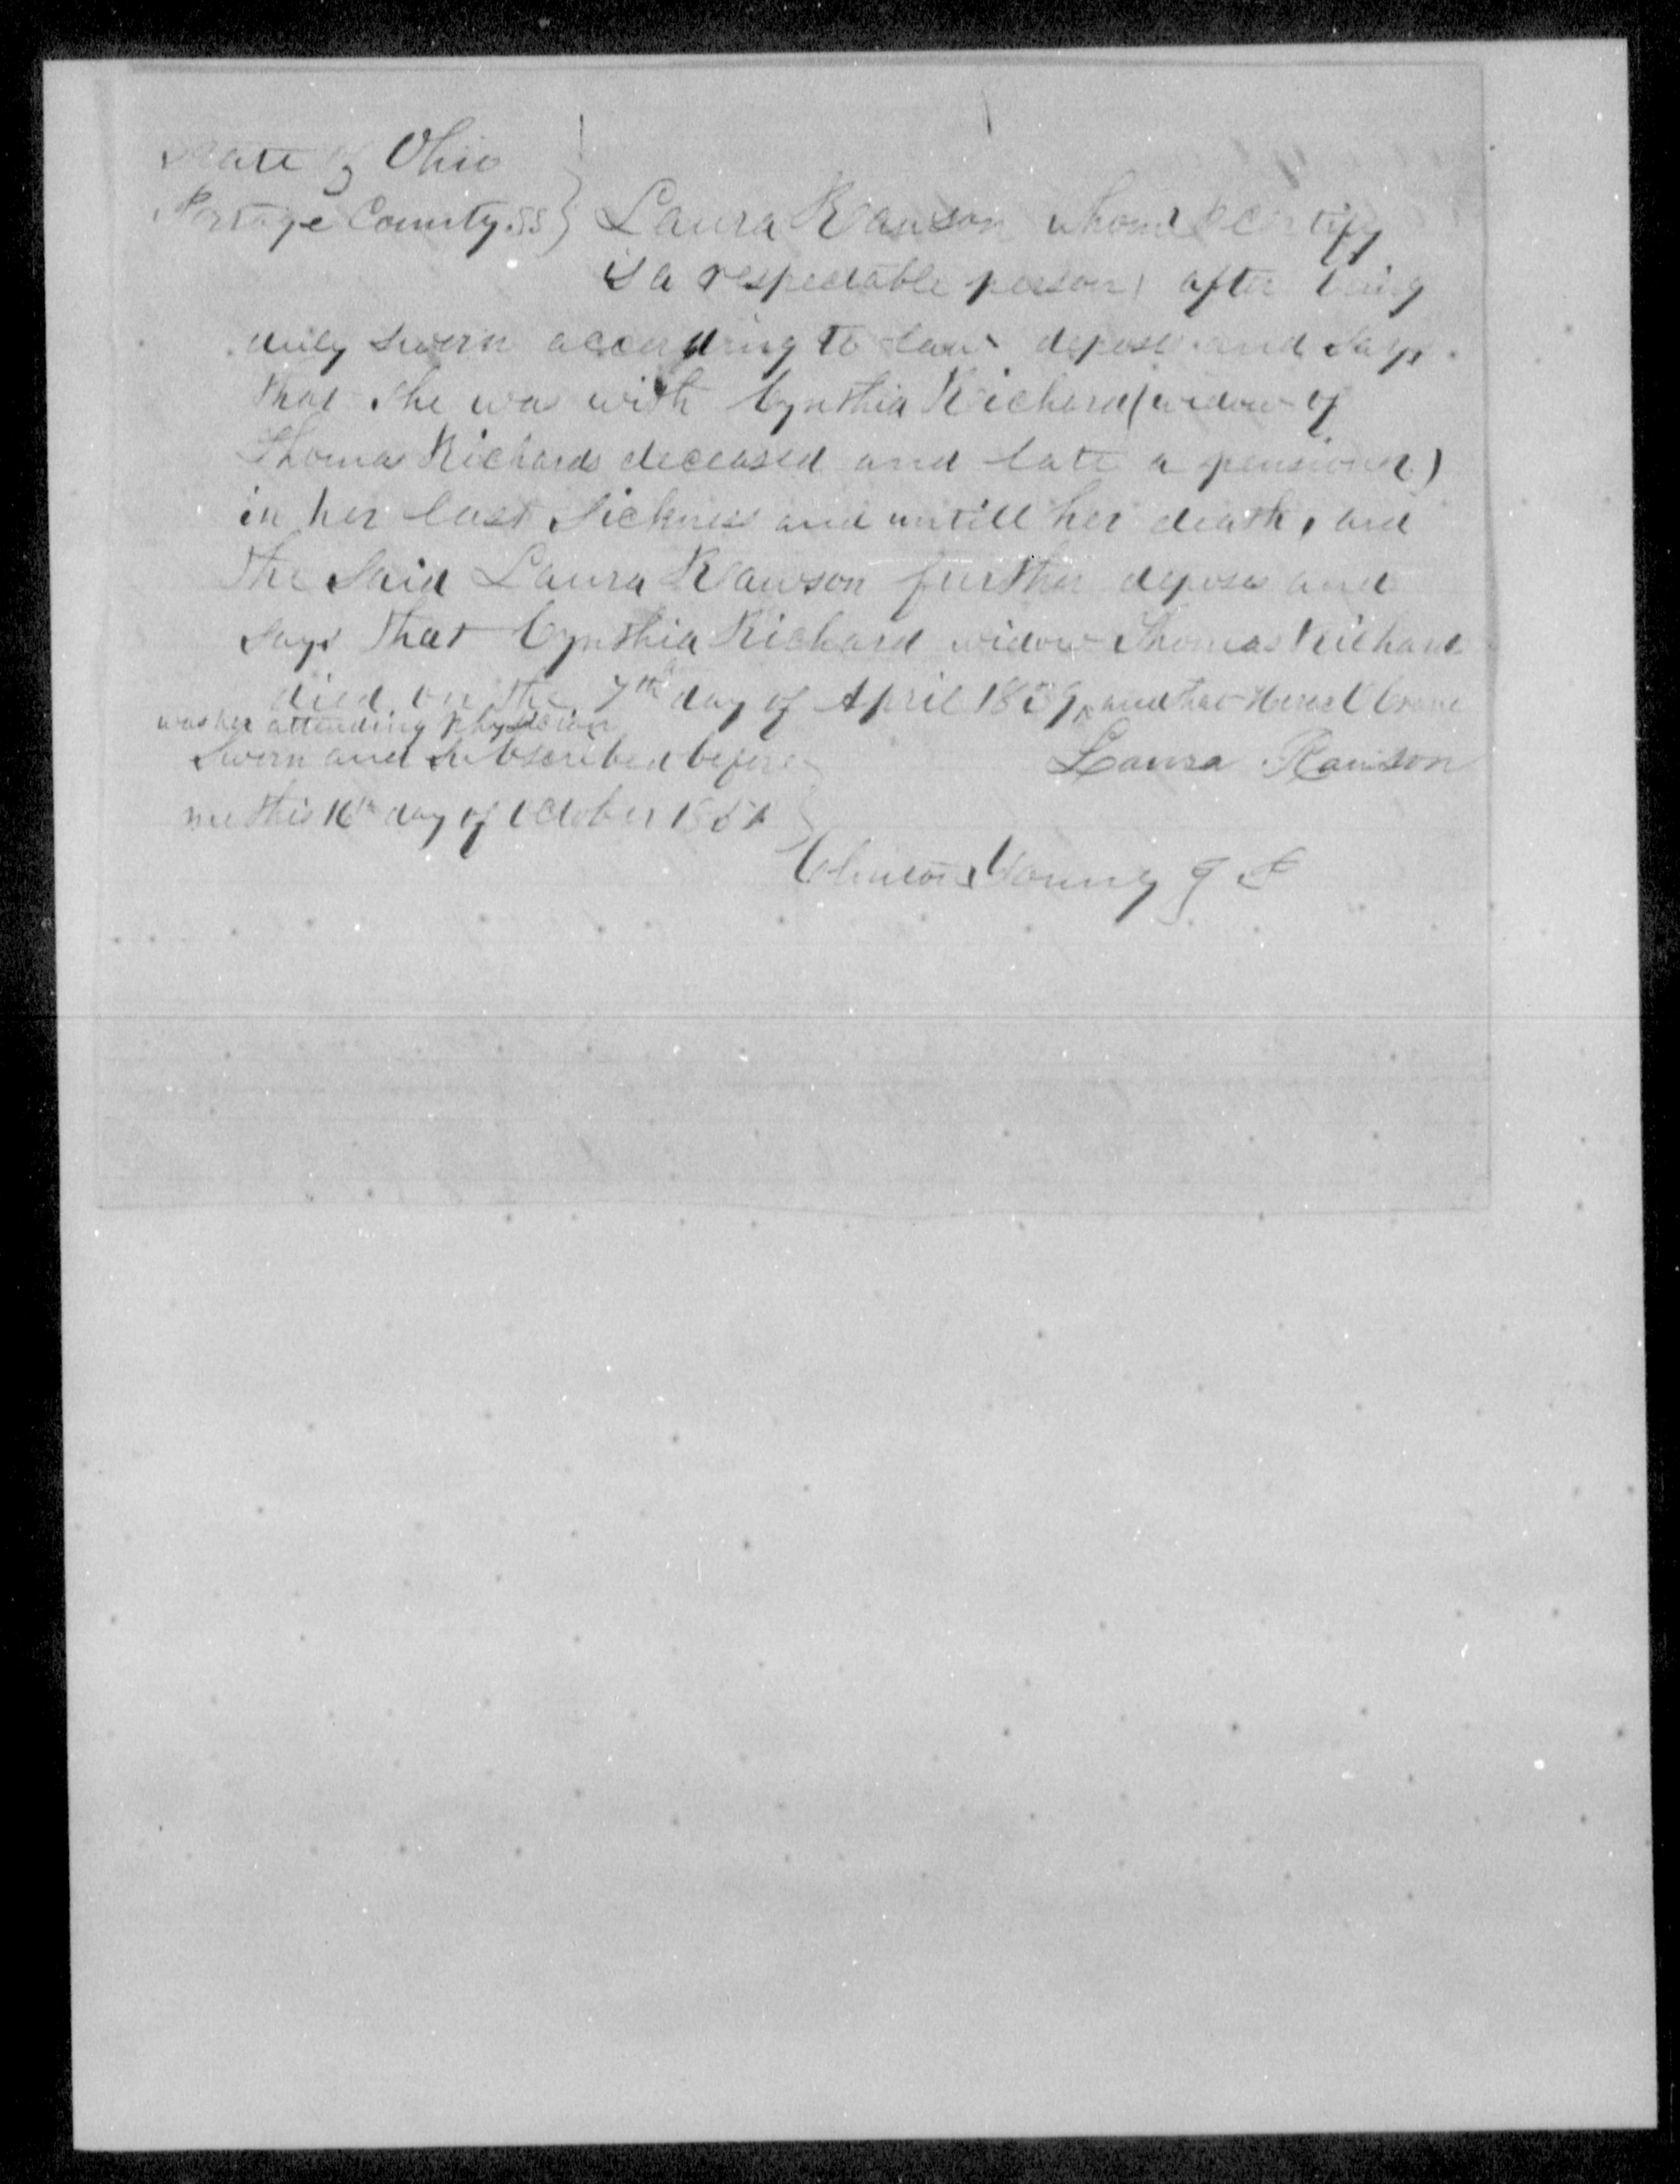State of Ohio
Portage County SS} Laura Rawson whom I certify
is a respectable person after being duly sworn according to law deposes and says that she was with Cynthia Richards widow of Thomas Richards deceased and late a pensioner) in her last sickness and untill [UNTIL] her death, and the said Laura Rawson further deposes and says that Cynthia Richards widow Thomas Richards died on the 7th day of April 1839 and that Henry Crane was her attending physician
Laura Rawson
Sworn and subscribed before me this 16th day of October 1851
Clinton Young J P [JUSTICE PEACE]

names: Laura Rawson; Cynthia Richards; Laura Rawson; Thomas Richards; Thomas Richards; Cynthia Richards; Laura Rawson; Clinton Young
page: 74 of 109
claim: widow's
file: W. 5709, for Thomas Richards, New Hampshire